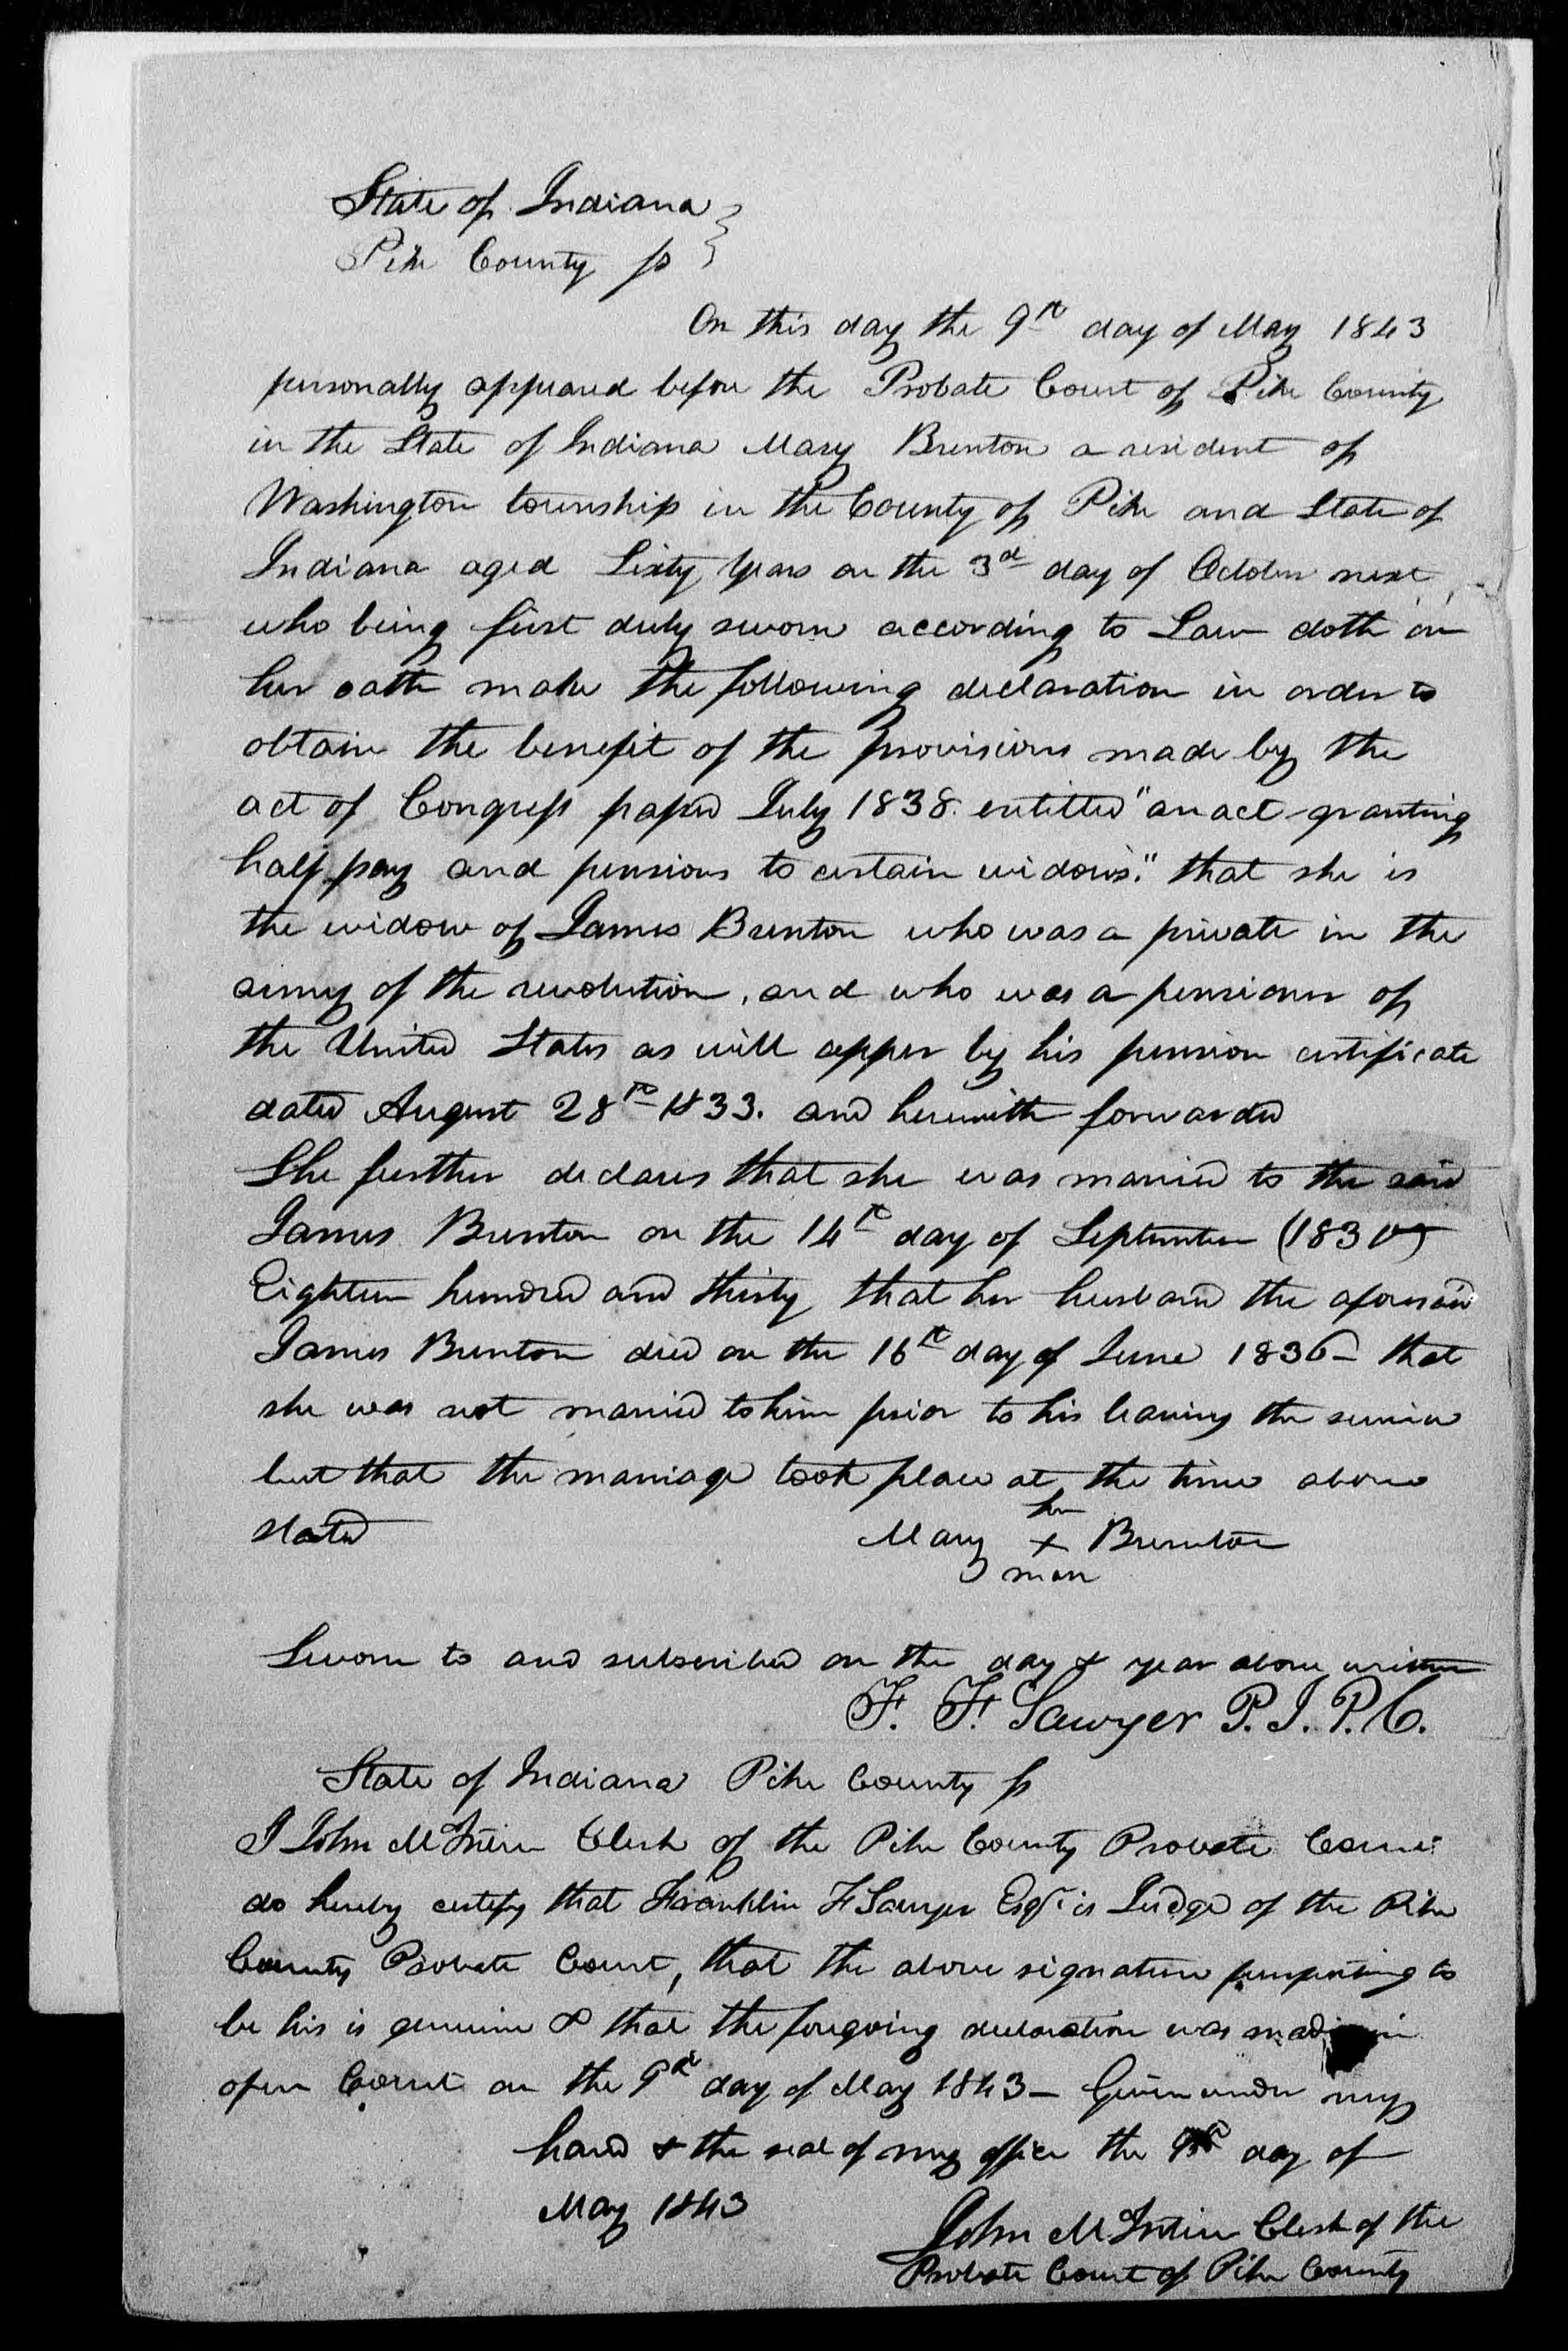State of Indiana
Pike County} ss
On this day the 9th day of May 1843 personally appeared before the Probate Court of Pike County in the State of Indiana Mary Brenton a resident of Washington township in the County of Pike and State of Indiana aged sixty years on the 3rd day of October next who being first duly sworn according to law doth on her oath make the following declaration in order  to obtain the benefit of the provisions made by the act of Congress passed July 1838 entitled "an act granting half pay and pensions to certain widows." That she is the widow of James Brenton who was a private in the army of the revolution, and who was a pensioner of the United States as will appear by his pension certificate dated August 28th1833, and herewith forwarded. She further declares that she was married to the said James Brenton on the 14th day of September (1830) eight hundred and thirty, that her husband the aforesaid James Brenton died on the 16th day of June 1836 -- that she was not married to him prior to his leaving the service but that the marriage took place at the time above stated Mary [her mark] Brenton

Sworn to and subscribed on the day & year above written F. F. Sawyer P. J. P. C.

State of Indiana Pike County ss
I John McIntire Clerk of the Pike County Probate Court do hereby certify that Franklin F Sawyer Esq is Judge of the Pike County Probate Court, that the above signature purporting to be his is genuine & that the foregoing declaration was [illegible] open Court on the 9th day of May 1843 -- Given under my hand & the seal of my office the 9th day of May 1843 John McIntire Clerk of the Probate Court of Pike County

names: Mary Brunton, James Brenton, John Mc Intire, Franklin F Sawyer, John Mc Intire, Mary Brenton, James Brenton, F F Sawyer, James Brenton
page: 10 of 49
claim: widow's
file: W. 2518, James Brenton, Va.